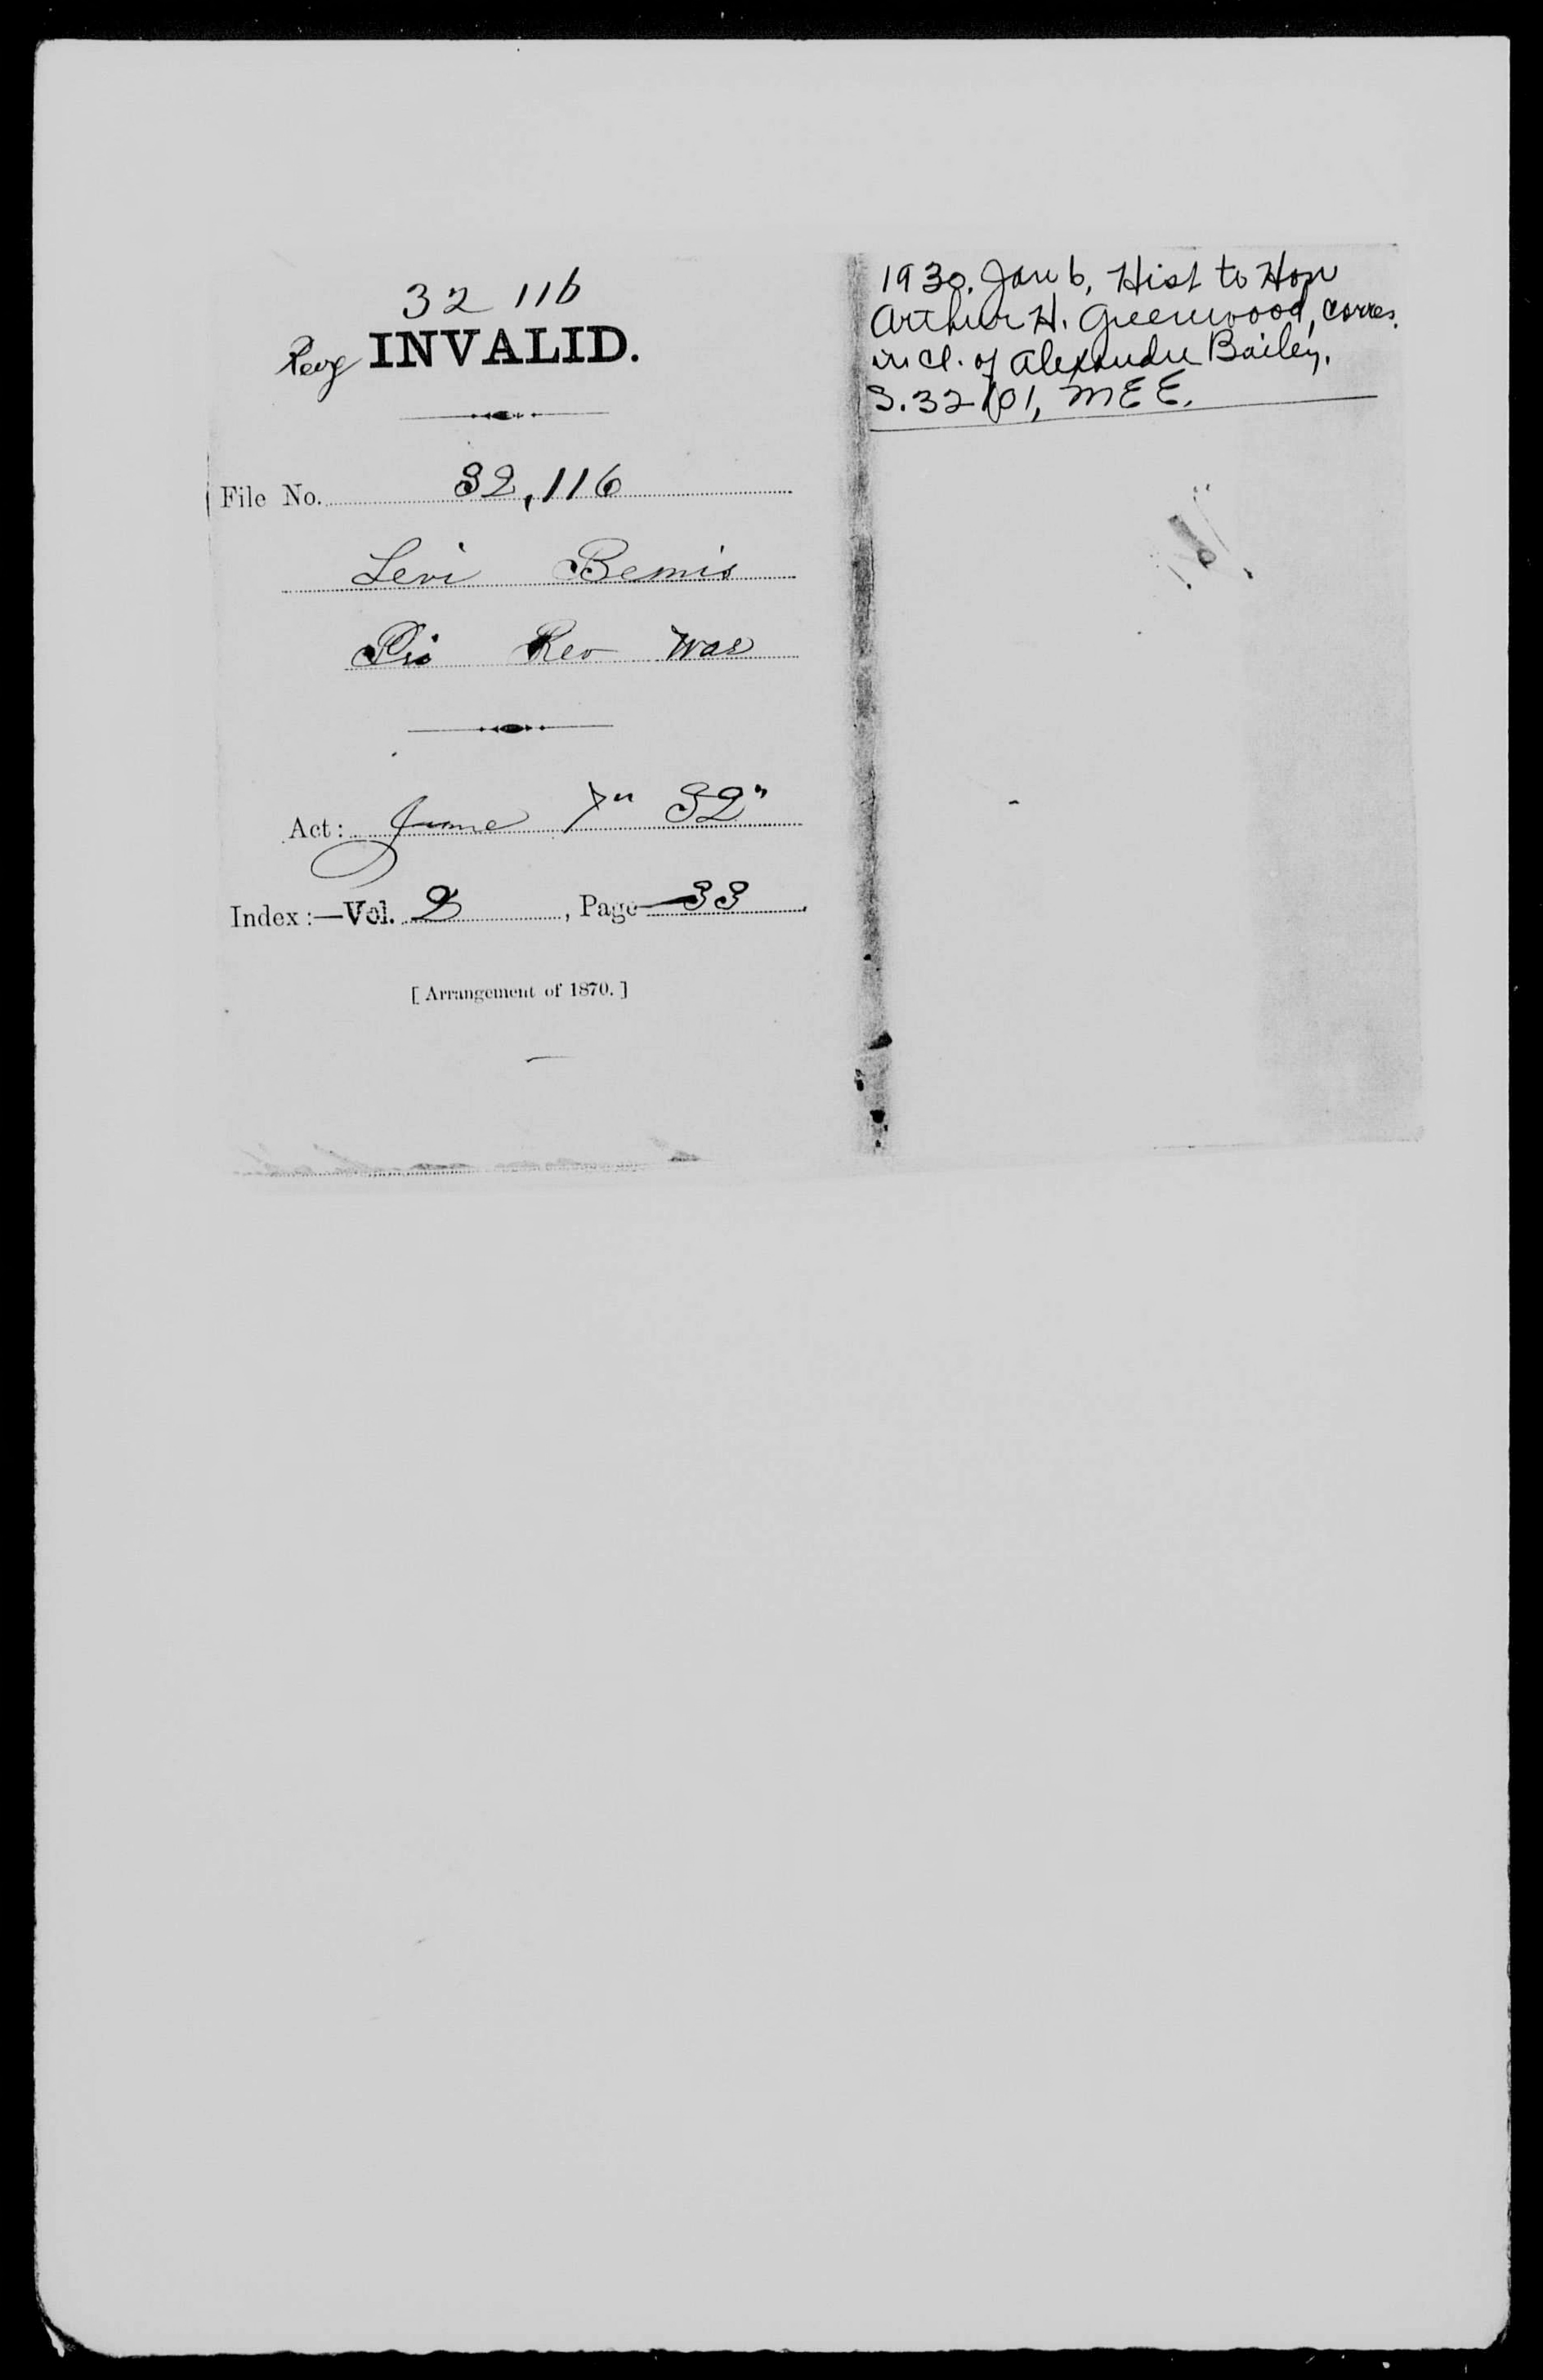32 11b
INVALID
File No. 32,116
Levi Bemis
[illegible] Rev War
Act: [illegible] 32
Vol. 2, Page 33

1930 Jan 6, Hist to [illegible] Arthur H. Greenwood, [illegible] of Alexander Bailey, S.32/01, MEE.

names: Levi Bemis, Alexander Bailey, Arthur H Greenwood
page: 7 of 14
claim: survivor's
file: S. 32116, Levi Bemis, Vt.